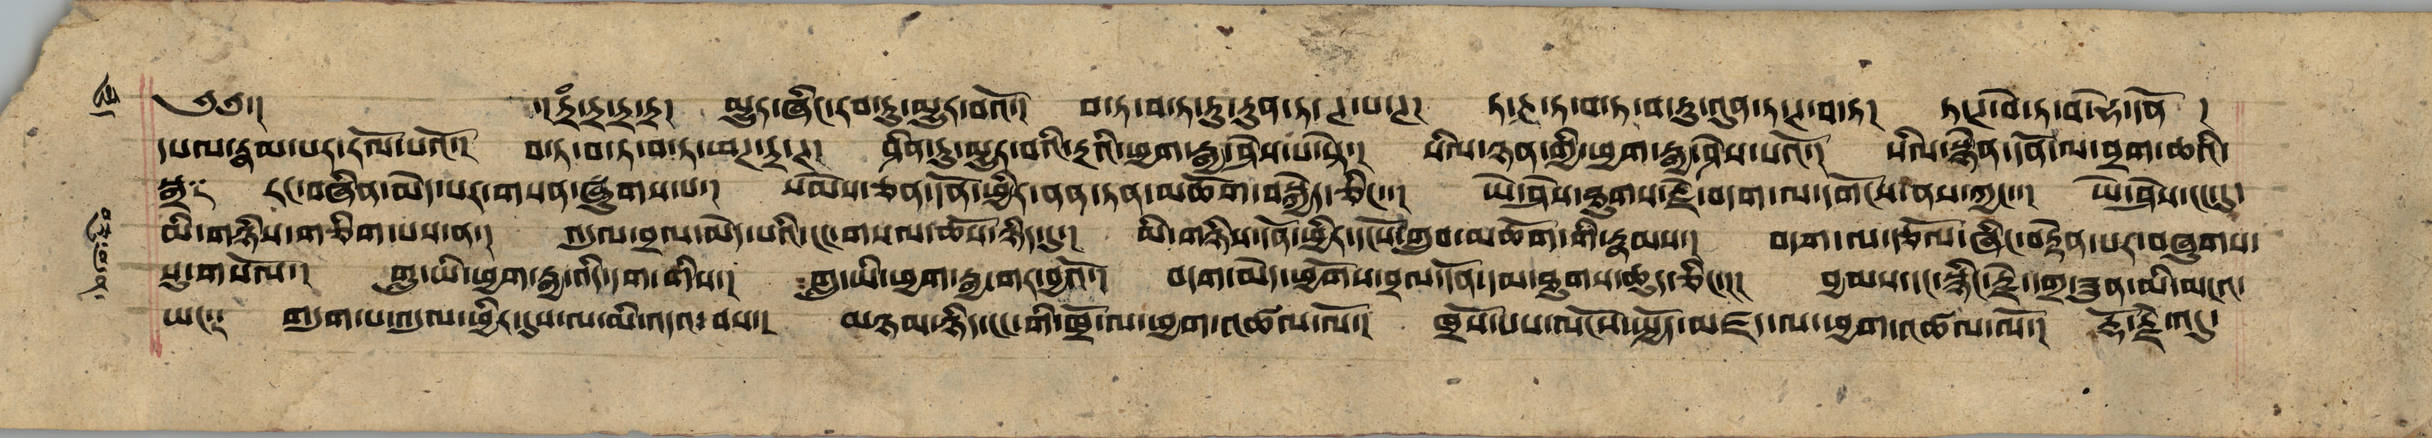༄༅་། ་།ཏྲཾ་ཏྲ་ཏྲ་ཏྲ། མྱུར་ཞིང་རབ་ཏུ་མྱུར་བའོ་། བ་ཏ་བ་ཏ་ཏུ་ཏུན་ཏ་ཊ་པ་ཊ། ཏ་ཊ་ཏ་བ་ཏ་བ་ཏུ་འུན་ཏ་ཊ་བ་ཏ། ཏ་ཊ་བེ་ཏ་བ་ཧེ་དོན
དཔལ་རྣམ་པར་རོལ་པའོ་། བ་ཏ་བ་ཏ་བ་ཏ་ཕཊ་ཏྲ་ཊ། ཤིན་ཏུ་མྱུར་བའི་རྔའི་ཕྱག་རྒྱ་ཤེས་པ་སྟེ་། སིལ་སྙན་གྱི་ཕྱག་རྒྱ་ཤེས་པའོ་། སིལ་སྙན་དོན་ལ་བྲག་ཆའི་
སྒྲ༑ རང་བཞིན་མེད་པར་གསན་ཞུགས་པ་། སེམས་ཅན་དོན་ཕྱིར་ནན་ཏན་མཆོག་བསྐྱེད་ཅིང་་། ཡེ་ཤེས་ཐུགས་རྗེ་བདག་ལ་དགོངས་ནས་ཀྱང་་། ཡེ་ཤེས་ངང་དུ་
མི་གཉིས་གཅིག་པས་ན་། འདུལ་བྲལ་མེད་པའི་ངང་གསལ་ཆོས་ཉིད་དུ་། མི་གཉིས་དོན་ཕྱིར་དངོས་གྲུབ་མཆོག་གི་རྣམས་། བདག་ལ་རྩོལ་ཞིང་བརྟེན་པར་བཞུགས་
སུ་གསོལ་། གླུ་ཡི་ཕྱག་རྒྱ་འདི་དག་གིས་། གླུ་ཡི་ཕྱག་རྒྱ་གར་བྱའོ་། བདག་མེད་ཕྱོགས་བྲལ་དོན་དམ་ཐུགས་ཆུད་ཅིང་།།། བྱམས་དང་སྙིང་རྗེ་དགྲ་ཟུན་མི་མངའ་
ཡང་༑ གདུག་པ་འདུལ་ཕྱིར་དུས་ལ་མི་འདའ་བས་། མཉམ་ཉིད་ངང་གི་ཁྲོ་ལ་ཕྱག་འཚལ་ལོ་། ཁྲོས་པས་ལོངས་སྤྱོད་མཛད་ལ་ཕྱག་འཚལ་ལོ་། རྡོ་རྗེ་འདུ་